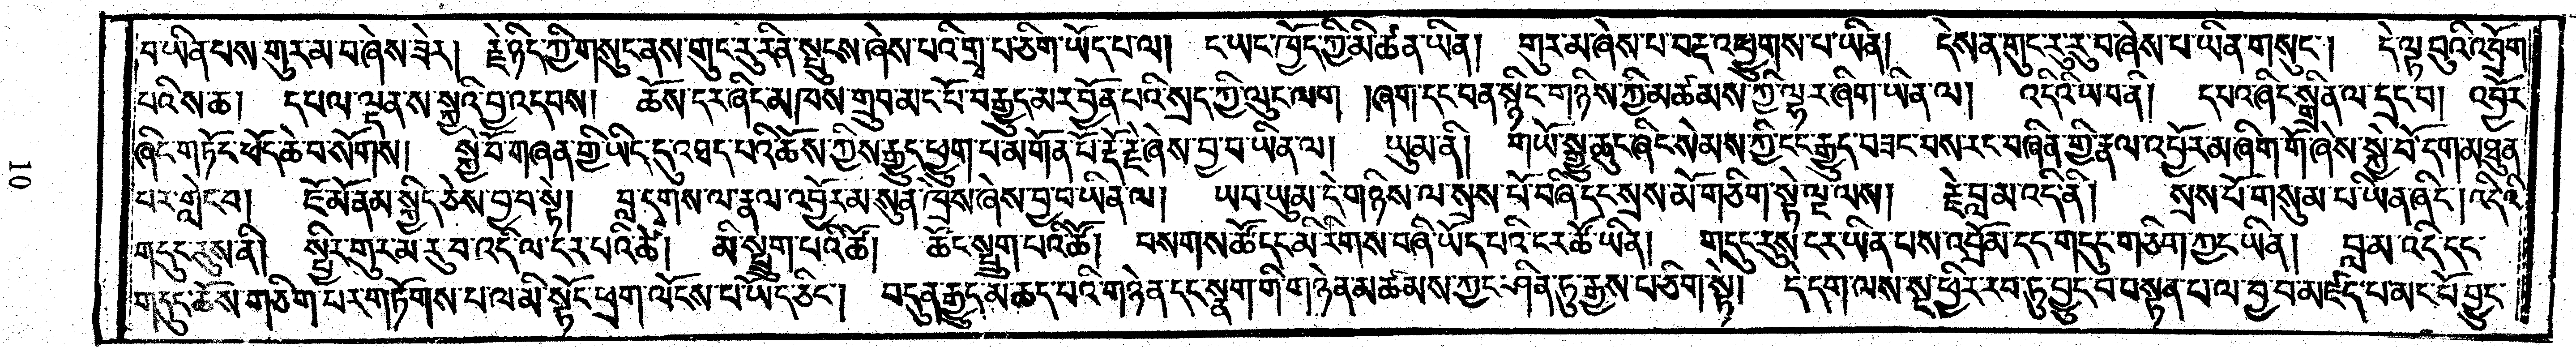བ་ཡིན་པས་གུར་མ་བ་ཞེས་ཟེར། རྗེ་ཉིད་ཀྱི་གསུང་ནས་གུང་རུ་རིན་སྤུངས་ཞེས་པའི་གྲྭ་པ་ཅིག་ཡོད་པ་ལ། ང་ཡང་ཁྱོད་ཀྱི་མི་ཚན་ཡིན། གུར་མ་ཞེས་པ་བརྡ་འཕྱུགས་པ་ཡིན་།ངེས་ན་གུང་རུ་རུ་བ་ཞེས་པ་ཡིན་གསུང་། དེ་ལྟ་བུའི་འབྲོག་
པའི་ས་ཆ། དཔལ་ལྡན་ས་སྐྱའི་བྱ་འདབས། ཆོས་དར་ཞིང་མཁས་གྲུབ་མང་པོ་བརྒྱུད་མར་བྱོན་པའི་སྲད་ཀྱི་ལུང་ལག །ཞག་དང་བན་སྙིང་གཉིས་ཀྱི་མཚམས་ཀྱི་ལྷར་ཞིག་ཡིན་ལ། འདིའི་ཡབ་ནི། དཔའ་ཞིང་སྒྲིན་ལ་དྲང་བ། འབྱོར་
ཞིང་གཏོང་ཕོད་ཆེ་བ་སོགས། སྐྱེ་བོ་གཞན་གྱི་ཡིད་དུ་འཐད་པའི་ཆོས་ཀྱིས་རྒྱུད་ཕྱུག་པ་མགོན་པོ་རྡོ་རྗེ་ཞེས་བྱ་བ་ཡིན་ལ། ཡུམ་ནི། གཡོ་སྒྱུར་ཆུང་ཞིང་སེམས་ཀྱི་དང་རྒྱུད་བཟང་བས་རང་བཞིན་གྱི་རྣལ་འབྱོར་མ་ཞིག་གོ་ཞེས་སྐྱེ་བོ་དག་མཐུན་
པར་གླེང་བ། ཇོ་མོ་ནམ་སྐྱིད་ཅེས་བྱ་བ་སྟེ། བླ་དྭགས་ལ་རྣལ་འབྱོར་མ་སུན་ཁྲེས་ཞེས་བྱ་བ་ཡིན་ལ། ཡབ་ཡུམ་དེ་གཉིས་ལ་སྲས་པོ་བཞི་དང་སྲས་མོ་གཅིག་སྟེ་ལྔ་ལས། རྗེ་བླ་མ་འདི་ནི། སྲས་པོ་གསུམ་པ་ཡིན་ཞིང་། འདིའི་
གདུང་རུས་ནི། སྤྱིར་གུར་མ་རུ་བ་འདི་ལ་ངར་པའི་ཚེ། མི་སྤྲུག་པའི་ཚོ། ཚོང་སྤྲུག་པའི་ཚོ། བསགས་ཚོ་དང་མི་རིགས་བཞི་ཡོད་པའི་ངར་ཚོ་ཡིན། གདུང་རུས་ངར་ཡིན་པས་འབྲོམ་དང་གདུང་གཅིག་ཀྱང་ཡིན། བླ་མ་འདི་དང་
གདུང་ཆོས་གཅིག་པར་གཏོགས་པ་ལ་མི་སྟོང་ཕྲག་ལོངས་པ་ཡོད་ཅིང་། བདུན་རྒྱུད་མ་ཆད་པའི་གཉེན་དང་སྣག་གི་གཉེན་མཚམས་ཀྱང་ཤིན་ཏུ་རྒྱས་པ་ཅིག་སྟེ། དེ་དག་ལས་སྔ་ཕྱིར་རབ་ཏུ་བྱུང་བ་བསྟན་པ་ལ་བྱ་བ་མཛད་པ་མང་པོ་བྱུང་